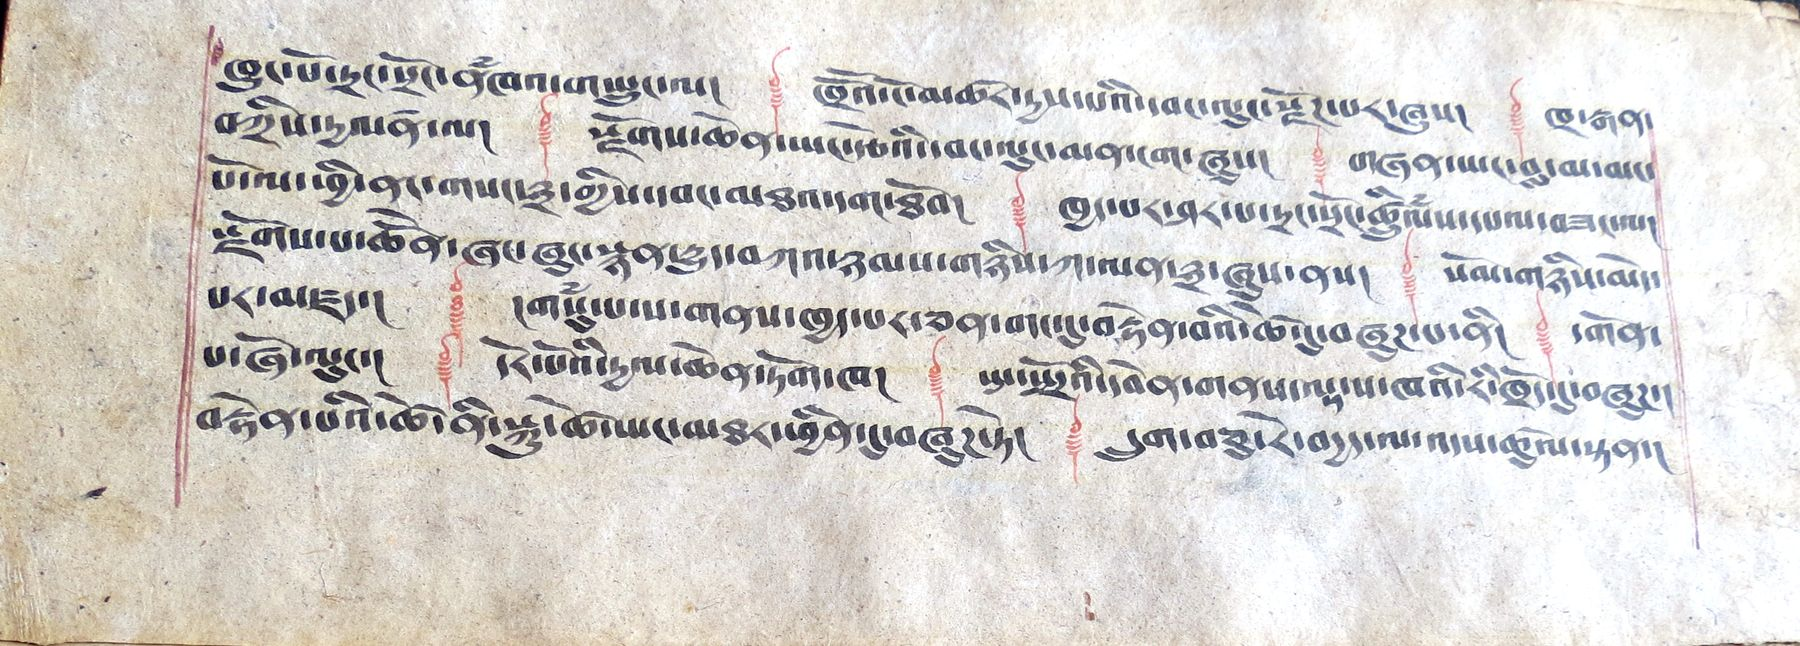ཁྱུང་པོ་དྲང་སྲོང་ནམ་མཁའ་གཡུང་དྲུང་ལ། ཁྲོ་བོ་ངོ་མཚར་རྒྱས་པའི་དབང་ལུང་རྫོགས་པར་ཞུས། ཁྲ་རྒན་
བཀྲ་ཤིས་རྒྱལ་མཚན་ལ་རྫོགས་ཆེན་ཡོངས་རྩེའི་དབང་ལུང་མན་ངག་ཞུས། གཞན་ཡང་བླ་མ་མང་
པོ་ལས་ཕྱི་ནང་གསང་གསུམ་གྱི་དབང་ལུང་ཐ་དག་ཐོབ། ཁྱད་པར་ཤར་པ་དྲང་སྲོང་ཚུལ་ཁྲིམས་དཔལ་བཟང་ལ། 
རྫོགས་པ་ཆེན་པོ་ཞང་ཞུང་སྙན་རྒྱུད་བཀའ་ཉམས་གཉིས་ཀ་ལན་གསུམ་ཞུས་ནས་ སོམ་གཉི་མེད་
པར་མཛད། གསུམ་པ་ས་གནས་ཁྱད་པར་ཅན་གང་དུ་བརྟེན་པའི་ཚེ་དུ་བཞུགས་པ་ནི། དགོན་
པ་ཞོ་ལུང་དོར་པོའི་རྒྱལ་ཆེན་ཏོག་ཁ། སྤ་གྲོ་དབེན་གནས་ལྟ་ས་ཁའི་རི་ཁྲོད་དུ་བཞུགས། 
བརྟེན་པའི་ཚེ་ནི་སྐུ་ཚེ་ཡང་མཐར་ཕྱིན་དུ་བཞུགས་ཏེ། དྲུག་ཅུ་རེ་བརྒྱད་ལ་འདས་ཚུལ་བསྟན།